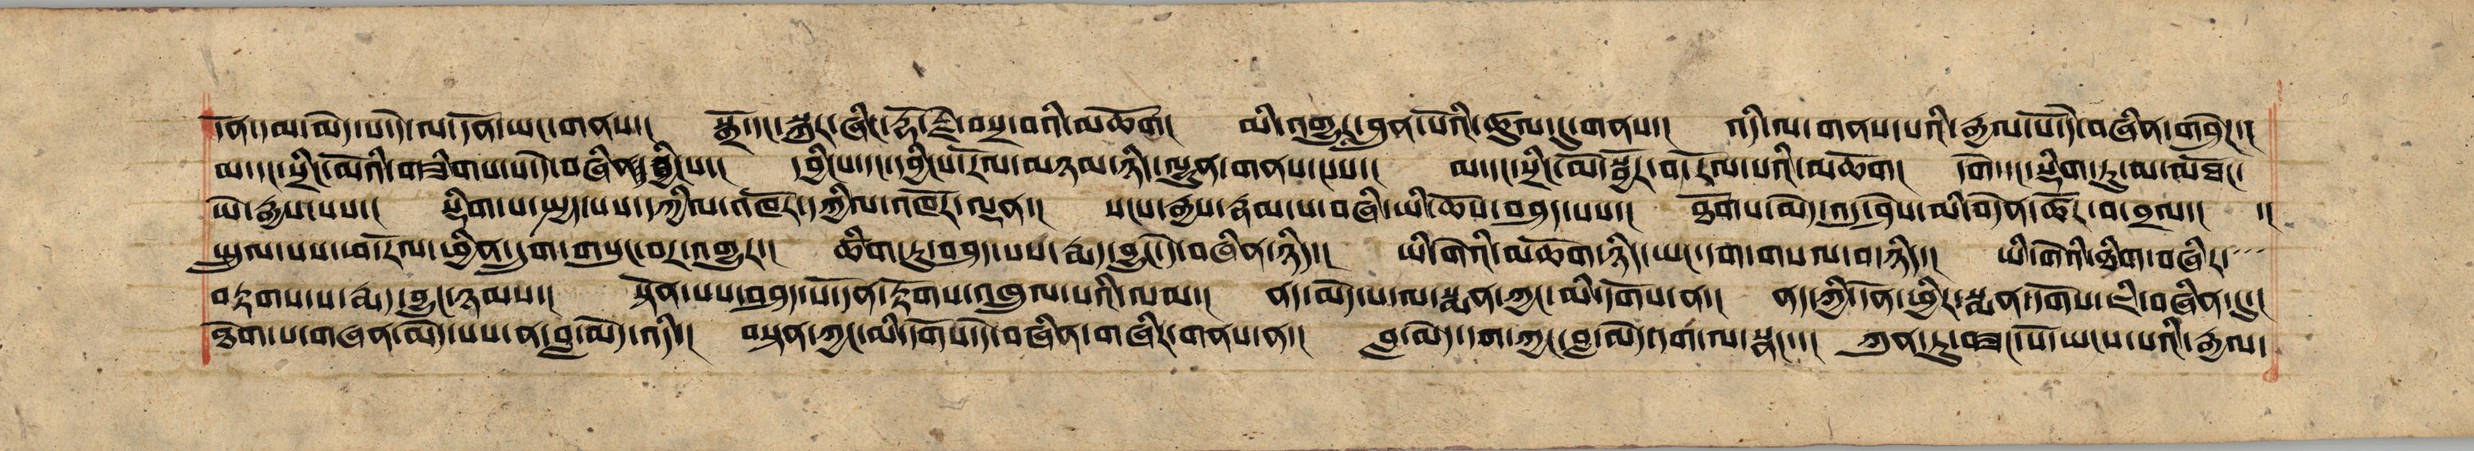དོན་དམ་མེད་པ་དེ་ལ་དོན་ཡང་གནས་། སྒྲོ་དང་སྐུར་ཞིང་རྡོ་རྗེ་བསྲ་བའི་མཆོག། མི་འགྱུར་བླུན་པོའི་ཚུལ་དུ་གནས་། འདི་ལ་གནས་པའི་རྒྱལ་པོ་དེ་བཞིན་གཤེཌ་།
མ་དང་སྲིང་མོའི་གཟིགས་པ་དེ་བཞིན་དབྱིངས་། དབྱིངས་དང་དབྱིངས་རོལ་མཉམ་ཉིད་ལྷུན་གནས་པས་། མ་དང་སྲིང་མོ་སྦྱོར་བ་རོལ་པའི་མཆོག། དགེ་དང་སྡིག་ཏུ་མ་མཐོང་
ཡེ་རྒྱས་པས་། སྡིག་པ་སྤྱད་པས་དཀྱིལ་འཁོར་དཀྱིལ་འཁོར་ལྡན་། སངས་རྒྱས་རྣམ་པ་བཞི་ཡི་ཆོས་བཤད་པས་། ཐོགས་མེད་འདུ་ཤེས་མི་བདེན་ཚོར་བ་བྲལ་།
སྤྲུལ་པས་ཕ་རོལ་ཕྱིན་དྲུག་གསུང་བར་འགྱུར་། ཚིག་ཏུ་བཤད་པས་རྨད་བྱུང་དེ་བཞིན་ཉིད་། ཡི་གེའི་མཆོག་ཉིད་ཡང་དག་གསལ་བ་ཉིད་། ཡི་གེའི་ཐིག་བཞིར་
བརྟགས་ས་རྨད་བྱུང་ཉམས་། སྟོན་པས་བཤད་ས་དོན་རྟོགས་འཁྲུལ་པའི་ལམ་། ནད་མེད་པ་ལ་སྨན་ཀྱང་མི་དགོས་ན་། ནད་ཀྱི་དོན་ཕྱིར་སྨན་དགོས་ཇི་བཞིན་དུ་།
ཐེག་པ་གཞན་མེད་པས་ན་བླ་མེད་འདི་། བསྟན་ཀྱང་མི་དགོས་དེ་བཞིན་གཞིར་གནས་ན་། བླ་མེད་དག་ཀྱང་བླ་མེད་དག་ལ་སྣང་་། ཀུན་ཏུ་བཟང་པོ་ཡངས་པའི་རྒྱལ་